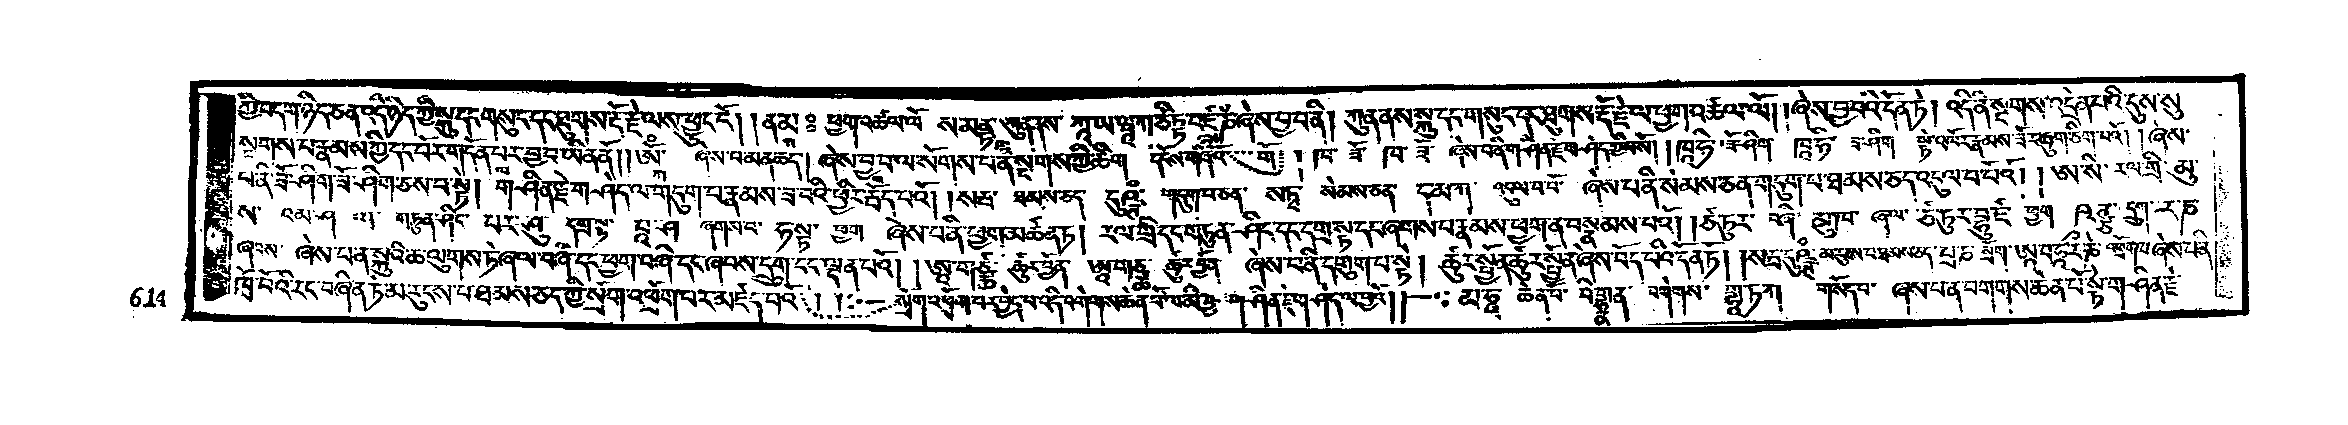ཀྱི་བདག་ཉིད་ཅན་འདི་ཉིད་ཀྱི་སྐུ་དང་གསུང་དང་ཐུགས་རྡོ་རྗེ་ལས་ཕྱུང་ངོ། །ན་མཿ ཕྱག་འཚལ་ལོ་ས་མནྟ་ཀུན་ནས་ཀཱ་ཡ་ཝཱ་ཀ་ཙིཏྟ་བཛྲཱ་ཎཾ་ཞེས་བྱ་བ་ནི། ཀུན་ནས་སྐུ་དང་གསུང་དང་ཐུགས་རྡོ་རྗེ་ལ་ཕྱག་འཚལ་ལོ། །ཞེས་བྱ་བའི་དོན་ཏེ། འདི་ནི་སྔགས་འདོན་པའི་དུས་སུ་
སྔགས་པ་རྣམས་ཀྱི་དང་པོར་གདོན་པར་བྱ་བ་ཡིན་ནོ། །ཨོཾ་ཞེས་པ་མན་ཆད། ཀ་ཞེས་བྱ་བ་ལ་སོགས་པ་ནི་ཁ་སྔགས་ཀྱི་ཚིག་དངོས་གཞིའོ་གོ །ཁ་ཟོ་ཁ་ཟོ་ཞེས་པ་ནི་གཤིན་རྗེ་གཤེད་ཀྱིས་སོ། །ཁཱ་ཧི་ཟོ་ཤིག་ཁཱ་ཧི་ཟ་ཤིག་སྟེ་འཁོར་རྣམས་ཟོར་ཆུ་གཅིག་པའོ། །ཞེས་
པ་ནི་ཟོ་ཤིག་ཟོ་ཤིག་ཅེས་པ་སྟེ། ཁ་གཤིན་རྗེ་གཤེད་ལ་ཀ་གདུག་པ་རྣམས་ཟ་བའི་ཕྱིར་ག་རྦོད་པའོ། །སརྦ་ཐམས་ཅད་དུཥའཾ་གདུག་པ་ཅན་སཏྭ་སེམས་ཅན་ད་མ་ཀ་འདུལ་བ་པོ་ཞེས་པ་ནི་སེམས་ཅན་གདུག་པ་ཐམས་ཅད་འདུལ་བ་པོའོ། །ཨ་སི་རལ་གྲི་མུ་
ས་འམ་ཤ་ལ་གཏུན་ཤིང་པར་ཤུ་དཀྲ་སྟེ་པཱ་ཤ་ཞགས་པ་ཧ་སྟ་ཕྱག་ཞེས་པ་ནི་ཕྱག་འཚལ་ཏེ། རལ་གྲི་དང་གཏུན་ཤིང་དང་དགྲ་སྟ་དང་ཞགས་པ་རྣམས་ཕྱག་ན་བསྣམས་པའོ། །ཙ་ཏུར་བཞི་མུ་ཁ་ཞལ་ཙ་ཏུར་བྷུ་ཛ་ཕྱག་ཥཊྩ་དྲུག་ར་ཎ་
ཞབས་ཞེས་པ་ནི་སྐུའི་ཆ་ལུགས་ཏེ་ཞལ་བཞི་དང་ཕྱག་བཞི་དང་ཞབས་དྲུག་དང་ལྡན་པའོ། །ཨཱ་གཙྪ་ཚུར་བྱོན་ཨཱ་གཙྪ་ཚུར་བྱོན་ཞེས་པ་ནི་དགུག་པ་སྟེ། ཚུར་སྦྱོན་ཚུར་སྦྱོན་ཞེས་བོད་པའི་དོན་ཏོ། །སརྦ་དུཥྚཾ་མ་རུངས་པ་ཐམས་ཅད་པྲ་ཎ་སྲོག་ཨཱ་བ་ཧཱྀ་ར་ཎེ་འཕྲོག་པ་ཞེས་པ་ནི་
ཁྲོ་བོའི་རང་བཞིན་ཏེ་མ་རུངས་པ་ཐམས་ཅད་ཀྱི་སྲོག་འཕྲོག་པར་མཛད་པའོ། །.H སྲོག་འཕྲོག་པར་བྱེད་པ་འདི་བགེགས་ཆེན་པོ་ལ་མི་རུང་གཤིན་རྗེ་གཤེད་ལ་བྱའོ།།  .H མ་ཧཱ་ཆེན་པོ་བིགྷྣན་བགེགས་གྷཱ་ཏ་ཀ་གསོད་པ་ཞེས་པ་ནི་བགགས་ཆེན་པོ་སྟེ་གཤིན་རྗེ་